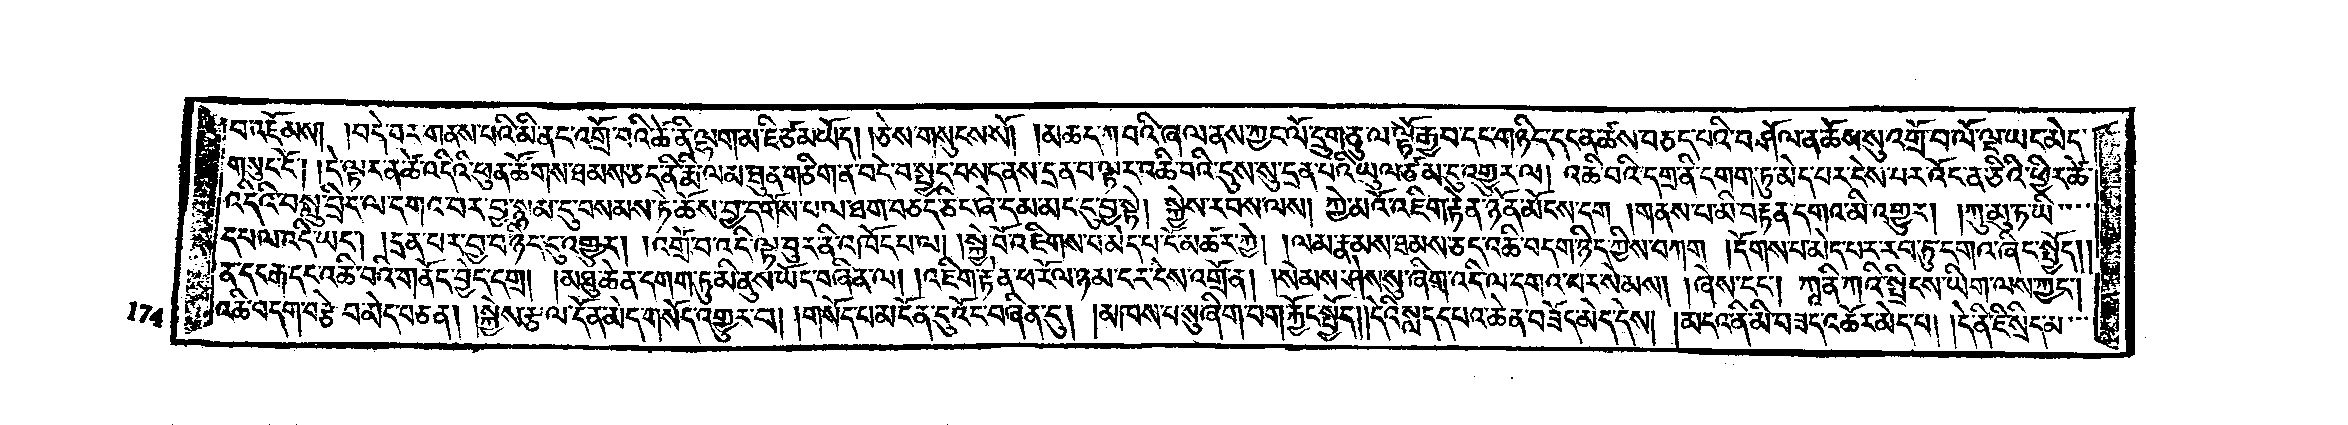བ་འཇོམས། །བདེ་བར་གནས་པའི་མི་ནང་འགྲོ་བའི་ཚེ་ནི་ལྷག་མ་ཇི་ཙམ་ཡོད། །ཅེས་གསུངས་སོ། །མཆད་ཀ་བའི་ཞལ་ནས་ཀྱང་ལོ་དྲུག་ཅུ་ལ་ལྟོ་རྒྱབ་དང་གཉིད་དང་ན་ཚས་བཅད་པའི་བཤོལ་ན་ཆོས་སུ་འགྲོ་བ་ལོ་ལྔ་ཡང་མེད་
གསུང་ངོ། །དེ་ལྟར་ན་ཚེ་འདིའི་ཕུན་ཚོགས་ཐམས་ཅད་ནི་རྨི་ལམ་ཐུན་གཅིག་ན་བདེ་བ་སྤྱད་བསད་ནས་དྲན་པ་ལྟར་འཆི་བའི་དུས་སུ་དྲན་པའི་ཡུལ་ཙམ་དུ་འགྱུར་ལ། འཆི་བའི་དགྲ་ནི་དགག་ཏུ་མེད་པར་ངེས་པར་འོང་ན་ཅིའི་ཕྱིར་ཚེ་
འདིའི་བསླུ་བྲིང་ལ་དགའ་བར་བྱ་སྙམ་དུ་བསམས་ཏེ་ཆོས་བྱ་དགོས་པ་ལ་ཐག་བཅད་ཅིང་ཞེ་དམ་མང་དུ་བྱ་སྟེ། སྐྱེས་རབས་ལས། ཀྱེ་མའོ་འཇིག་རྟེན་ཉོན་མོངས་དག །གནས་པ་མི་བརྟན་དགའ་མི་འགྱུར། །ཀུ་མུ་ཏ་ཡི་
དཔལ་འདི་ཡང་། །དྲན་པར་བྱ་བ་ཉིད་དུ་འགྱུར། །འགྲོ་བ་འདི་ལྟ་བུར་ནི་འཁོད་པ་ལ། །སྐྱེ་བོ་འཇིགས་པ་མེད་པ་ངོ་མཚར་ཀྱེ། །ལམ་རྣམས་ཐམས་ཅད་འཆི་བདག་ཉིད་ཀྱིས་བཀག །དོགས་པ་མེད་པར་རབ་ཏུ་དགའ་ཞིང་སྤྱོད།།
ན་དང་རྒ་དང་འཆི་བའི་གནོད་བྱེད་དགྲ། །མཐུ་ཆེན་དགག་ཏུ་མི་ནུས་ཡོད་བཞིན་ལ། །འཇིག་རྟེན་ཕ་རོལ་ཉམ་ངར་ངེས་འགྲོ་ན། །སེམས་ཤེས་སུ་ཞིག་འདི་ལ་དགའ་པར་སེམས། །ཞེས་དང་། ཀཱ་ནི་ཀའི་སྤྲིངས་ཡིག་ལས་ཀྱང་།
འཆི་བདག་བརྩེ་བ་མེད་པ་ཅན། །སྐྱེས་རྩལ་དོན་མེད་གསོད་འགྱུར་བ། །གསོད་པ་མངོན་དུ་འོང་བཞིན་དུ། །མཁས་པ་སུ་ཞིག་བག་རྐྱོང་སྤྱོད། །དེའི་སླད་དཔའ་ཆེན་བཟོད་མེད་དེས། །མདའ་ནི་མི་བཟད་འཆོར་མེད་པ། །དེ་ནི་ཇི་སྲིད་མ་